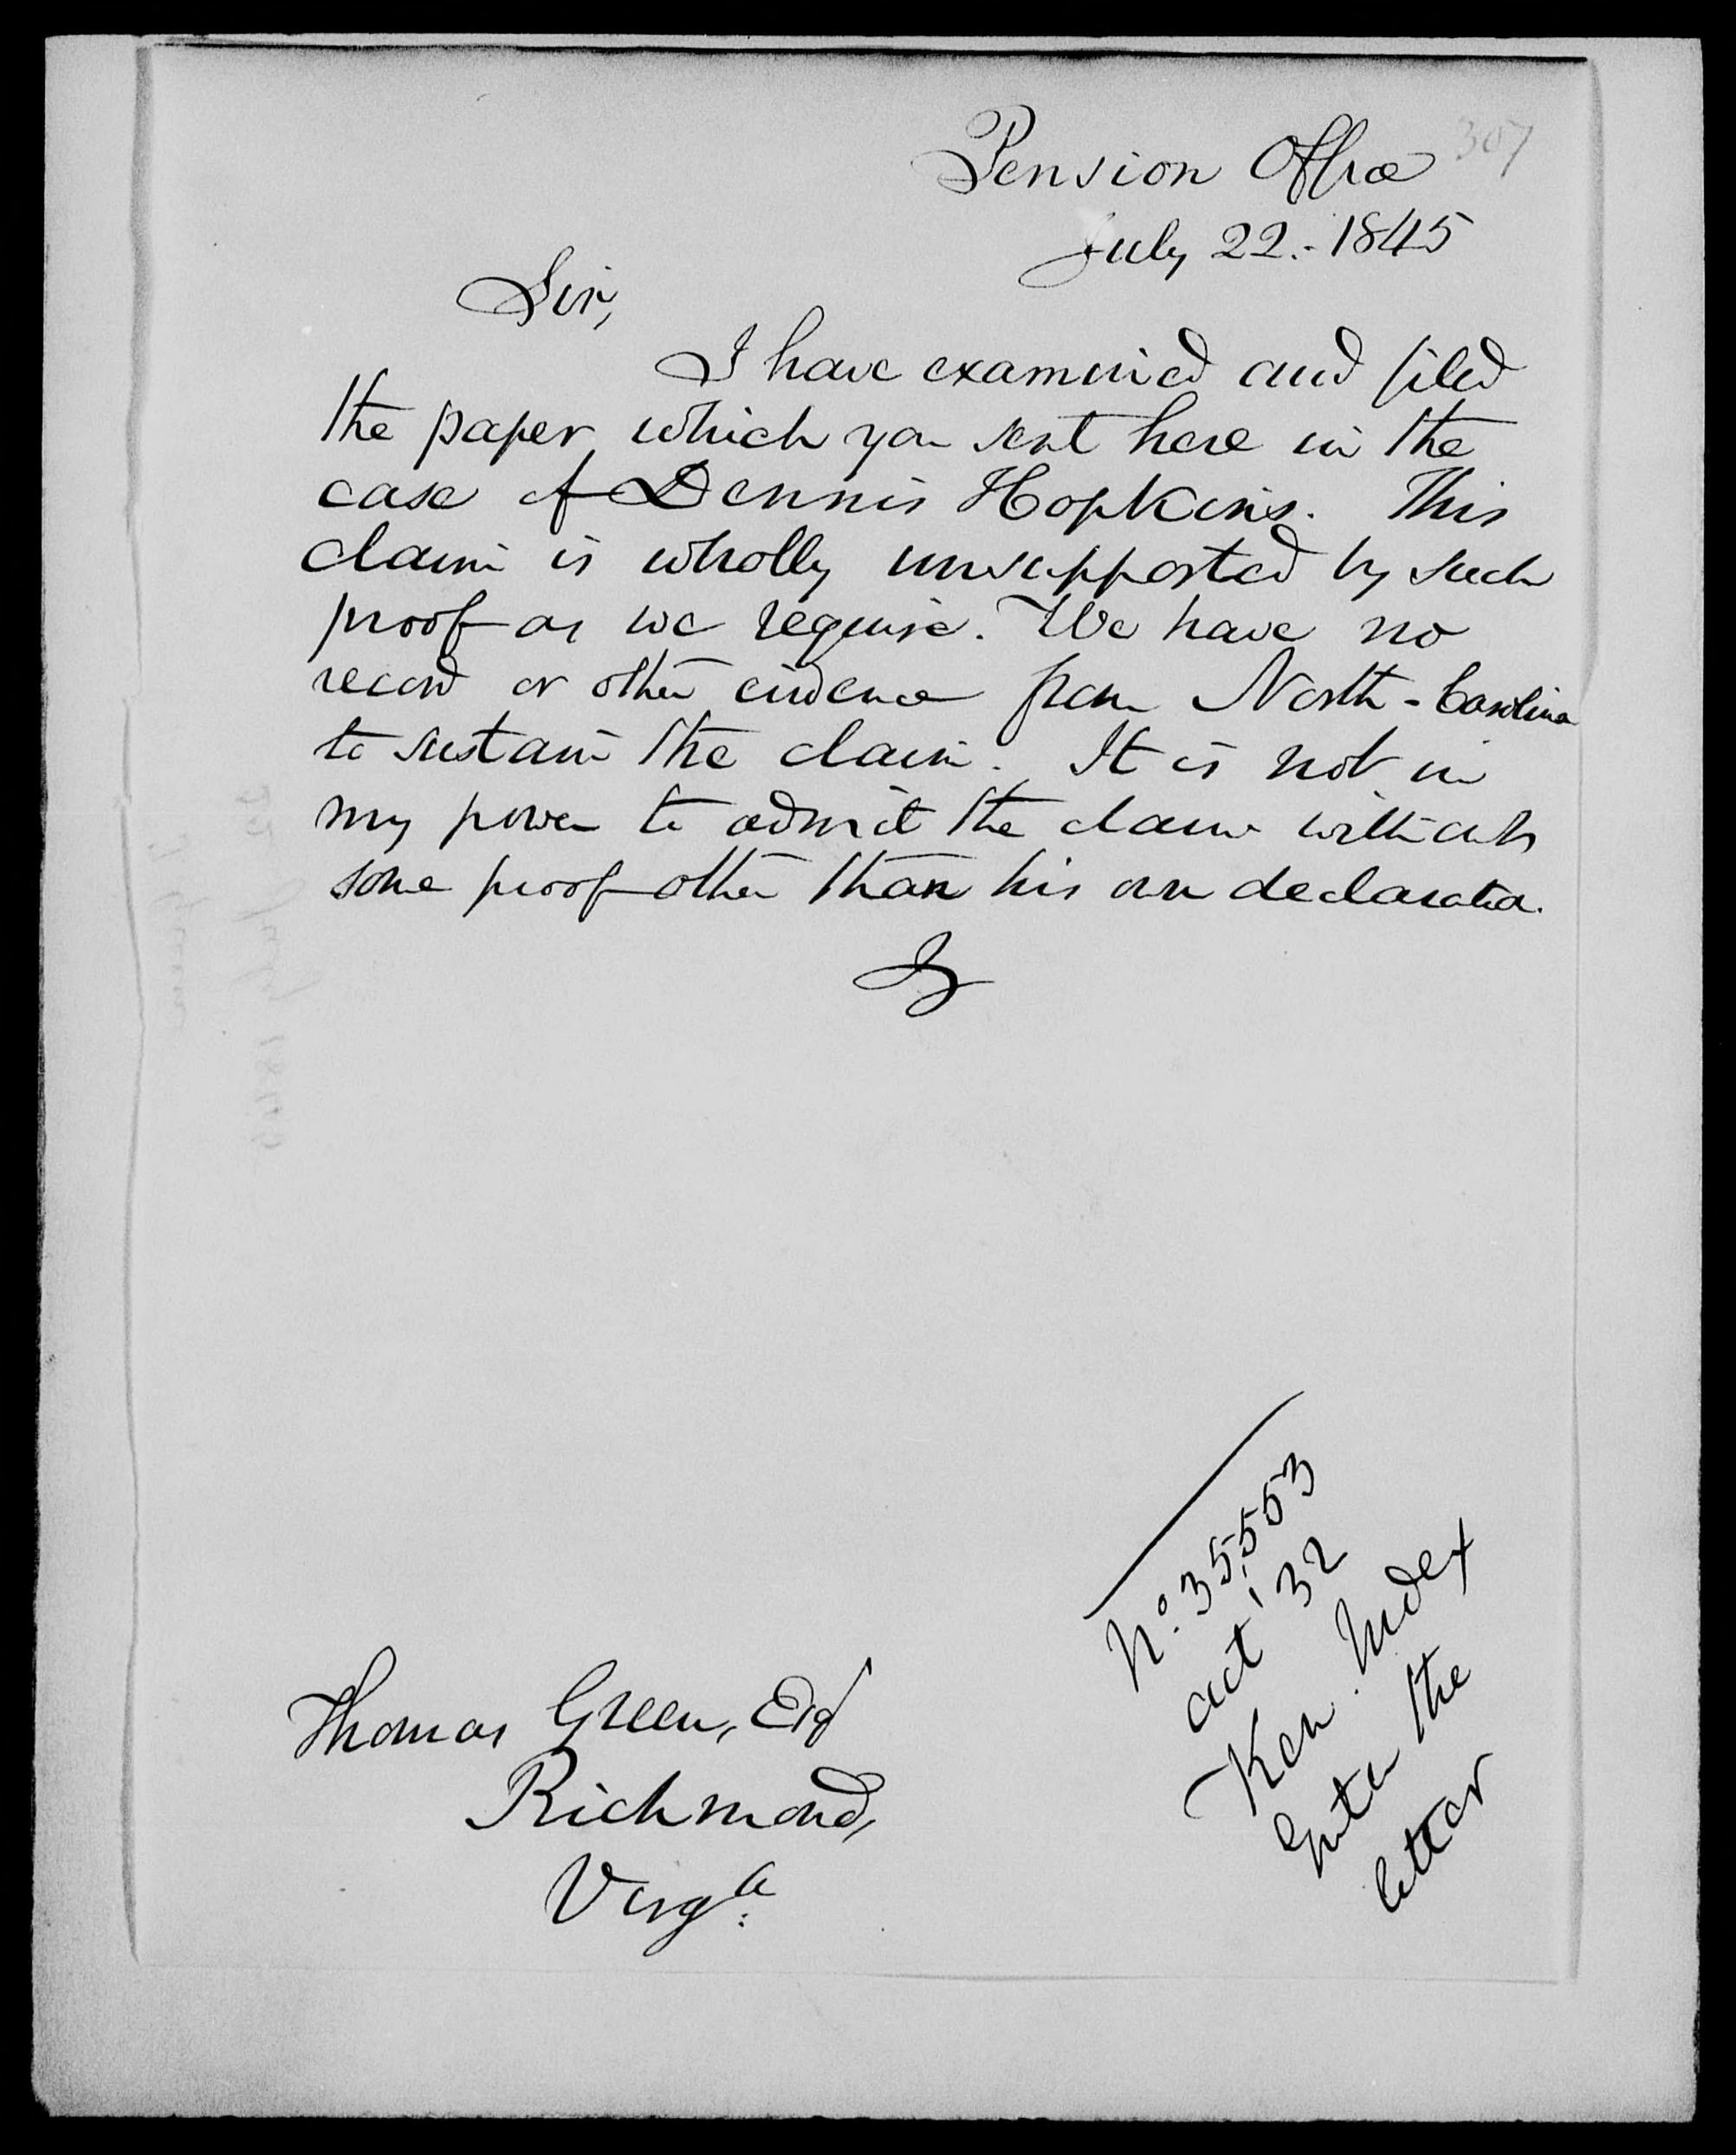Pension Office 307
July 22. 1845

Sir,
I have examined and filed the paper which you sent here in the case of Dennis Hopkins. This claim is wholly unsupported by such proof as we require. We have no record or other evidence from North Carolina to sustain the claim. It is not in my power to admit the claim without some proof other than his own declaration


Thomas Green, Esq
Richmond, Virga


No.35553
act of '32 

Ken Index
Enter the letter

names: Thomas Green, Dennis Hopkins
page: 41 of 144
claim: rejected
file: R. 5208, Dennis Hopkins, N.C.